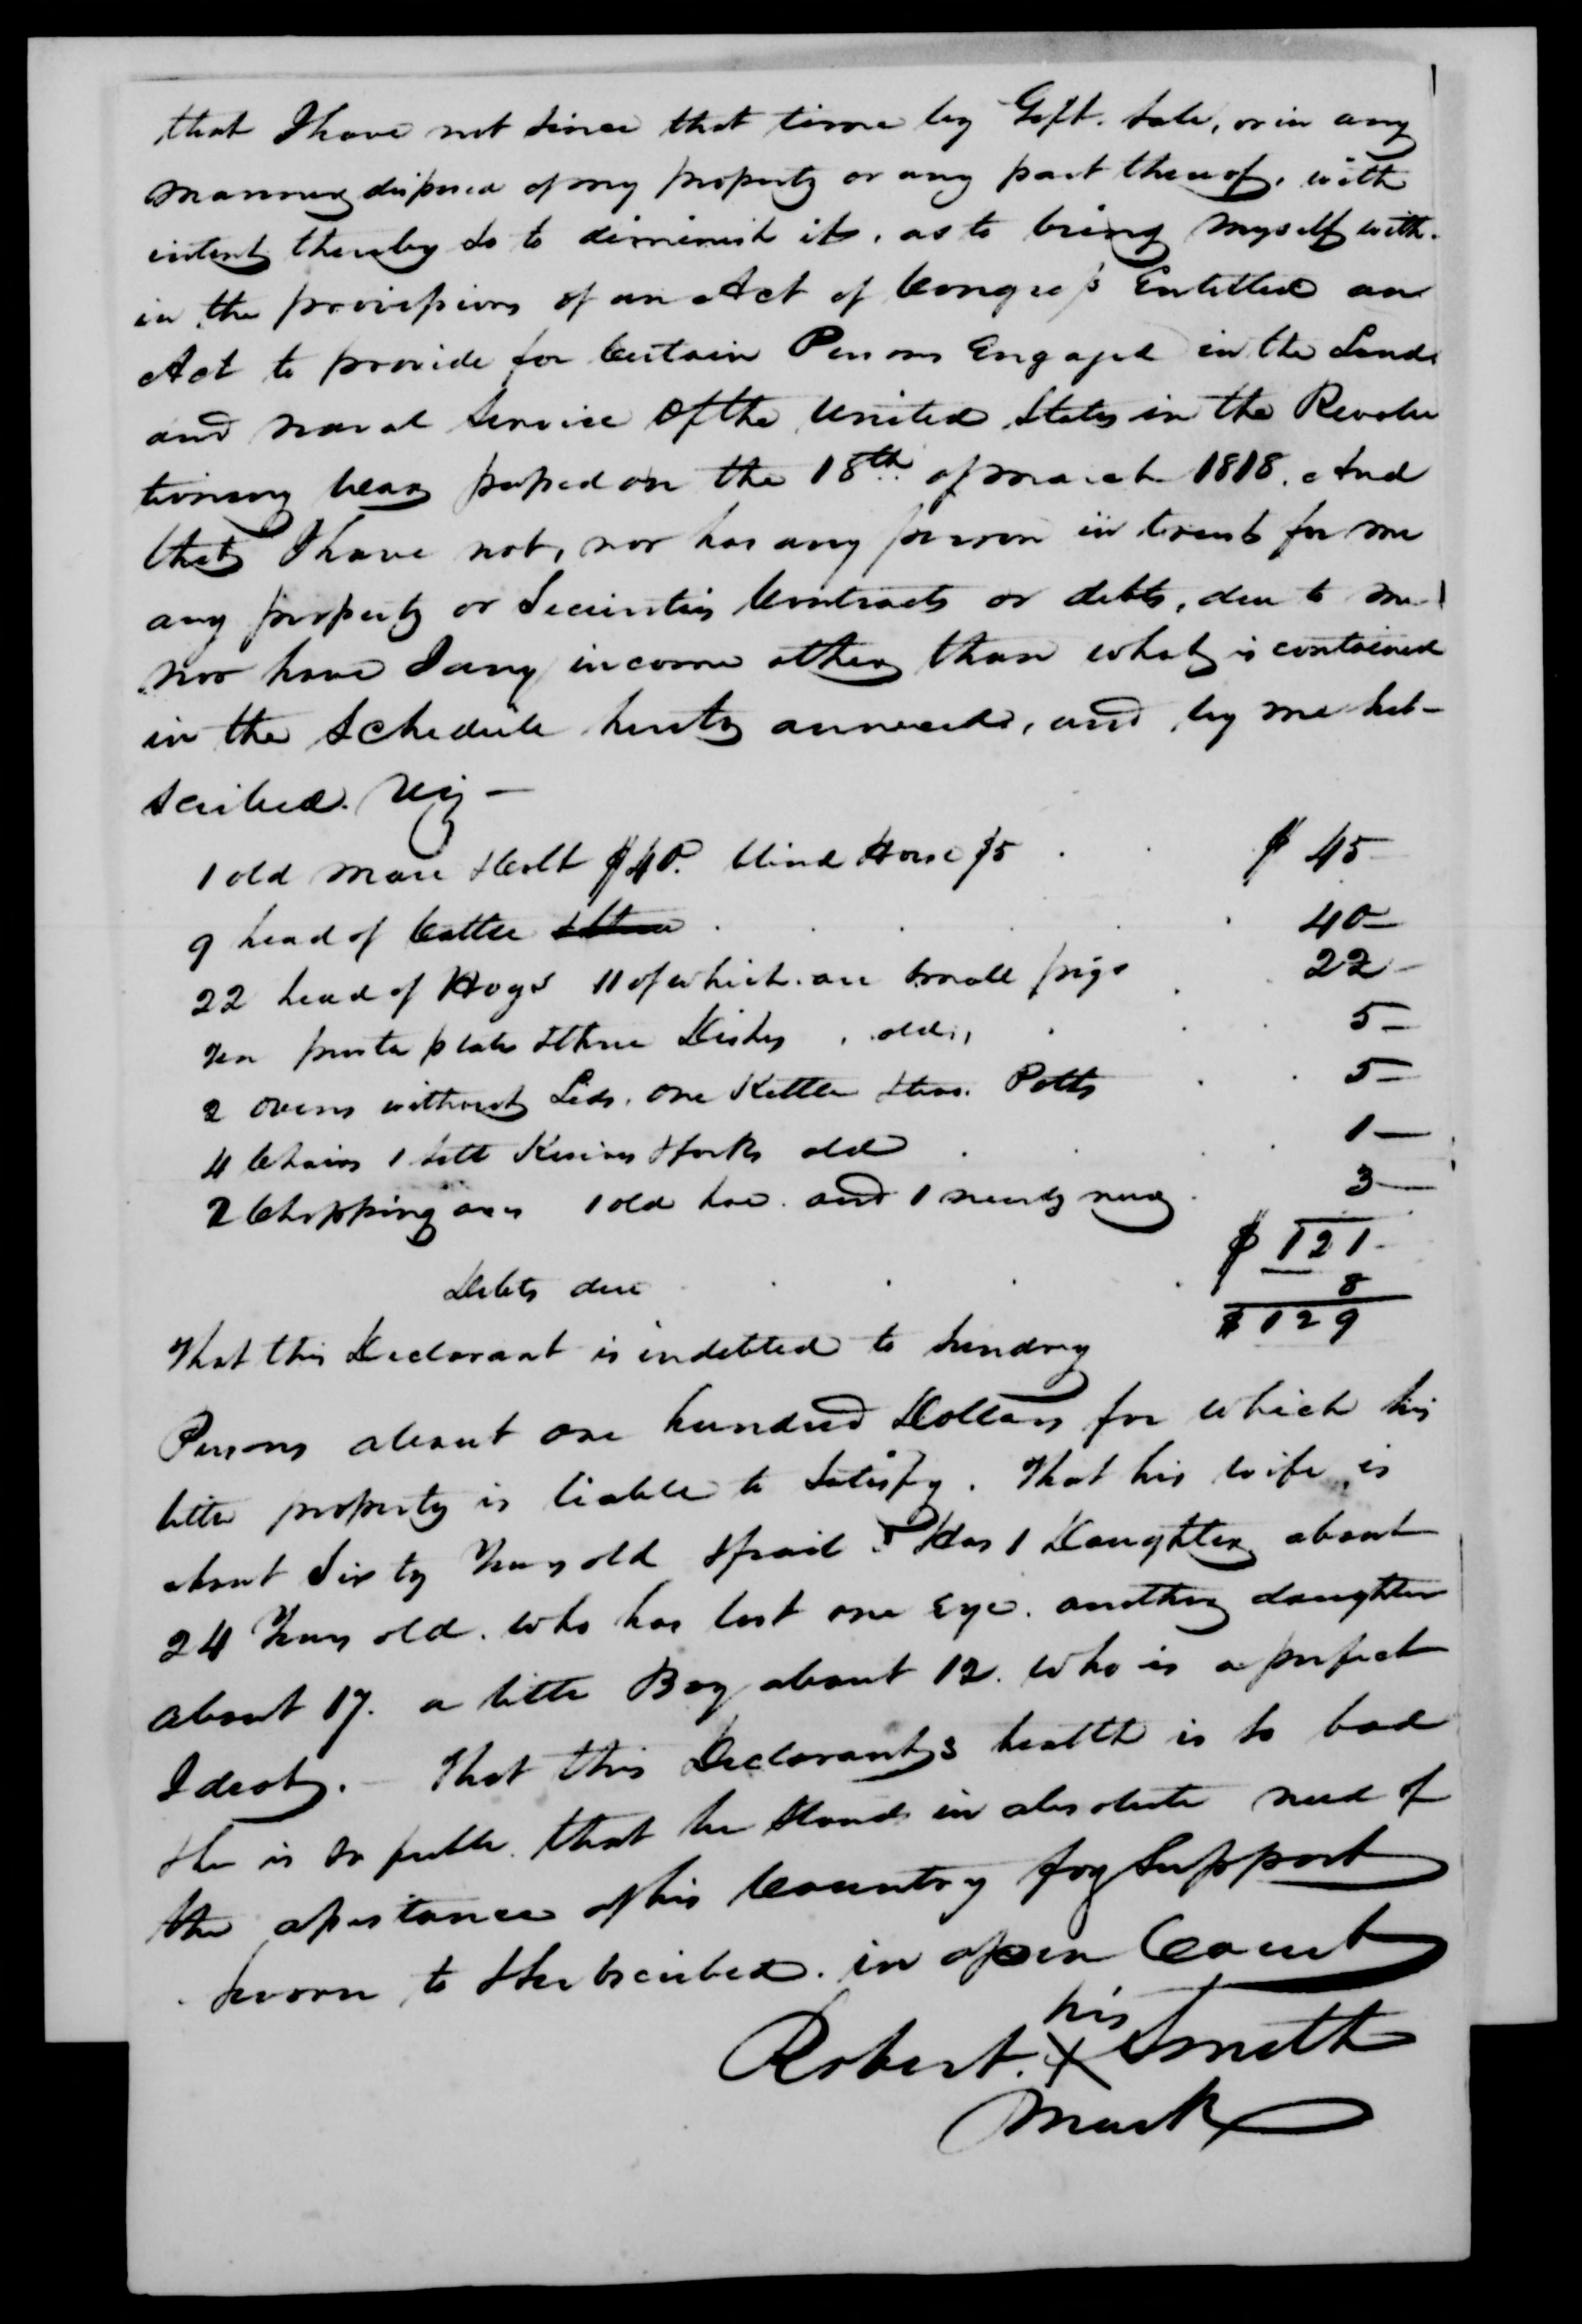that I have not since that time by gift sale or in any manner disposed of my property or any part thereof with intent thereby do to diminish it as to bring myself within the provisions of an Act of Congress Entitled an Act to provide for certain persons engaged in the Lands and Naval service of the United States in the Revolutionary War passed on the 18th of March 1818 and that I have not nor has any person in trust for me nor have I any income other than what is contained in the schedule hereto annexed and by merket scribed viz
1 old mare & colt $4P blind hors $5 $45
9 head of cattle 40
22 head of hogs 11 of which are small pigs 22
Ten pewter plates & three dishes old 5
2 ovens without lids one kettle & three potts 5
4 chairs 1 sett knives & forks old 1
2 chopping ax 1 old hoe and 1 nearly new 3
$121
Debts due - 8
$129
That this declarant is indebted to sundry 
Persons about one hundred dollars for which his little property is liable to satisfy that his wife is about sixty years old & frail Has 1 daughter about 24 years old who has lost one eye another daughter about 17 a little boy about 12 who is a perfect Idst that this declarants health is so bad & he is so puth that he stands in absolute need of the assistance of his country for Support 
sworn to & subscribed in open court
Robert his X mark Smith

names: Robert Smith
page: 17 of 79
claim: widow's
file: W. 1504, for Robert Smith, North Carolina